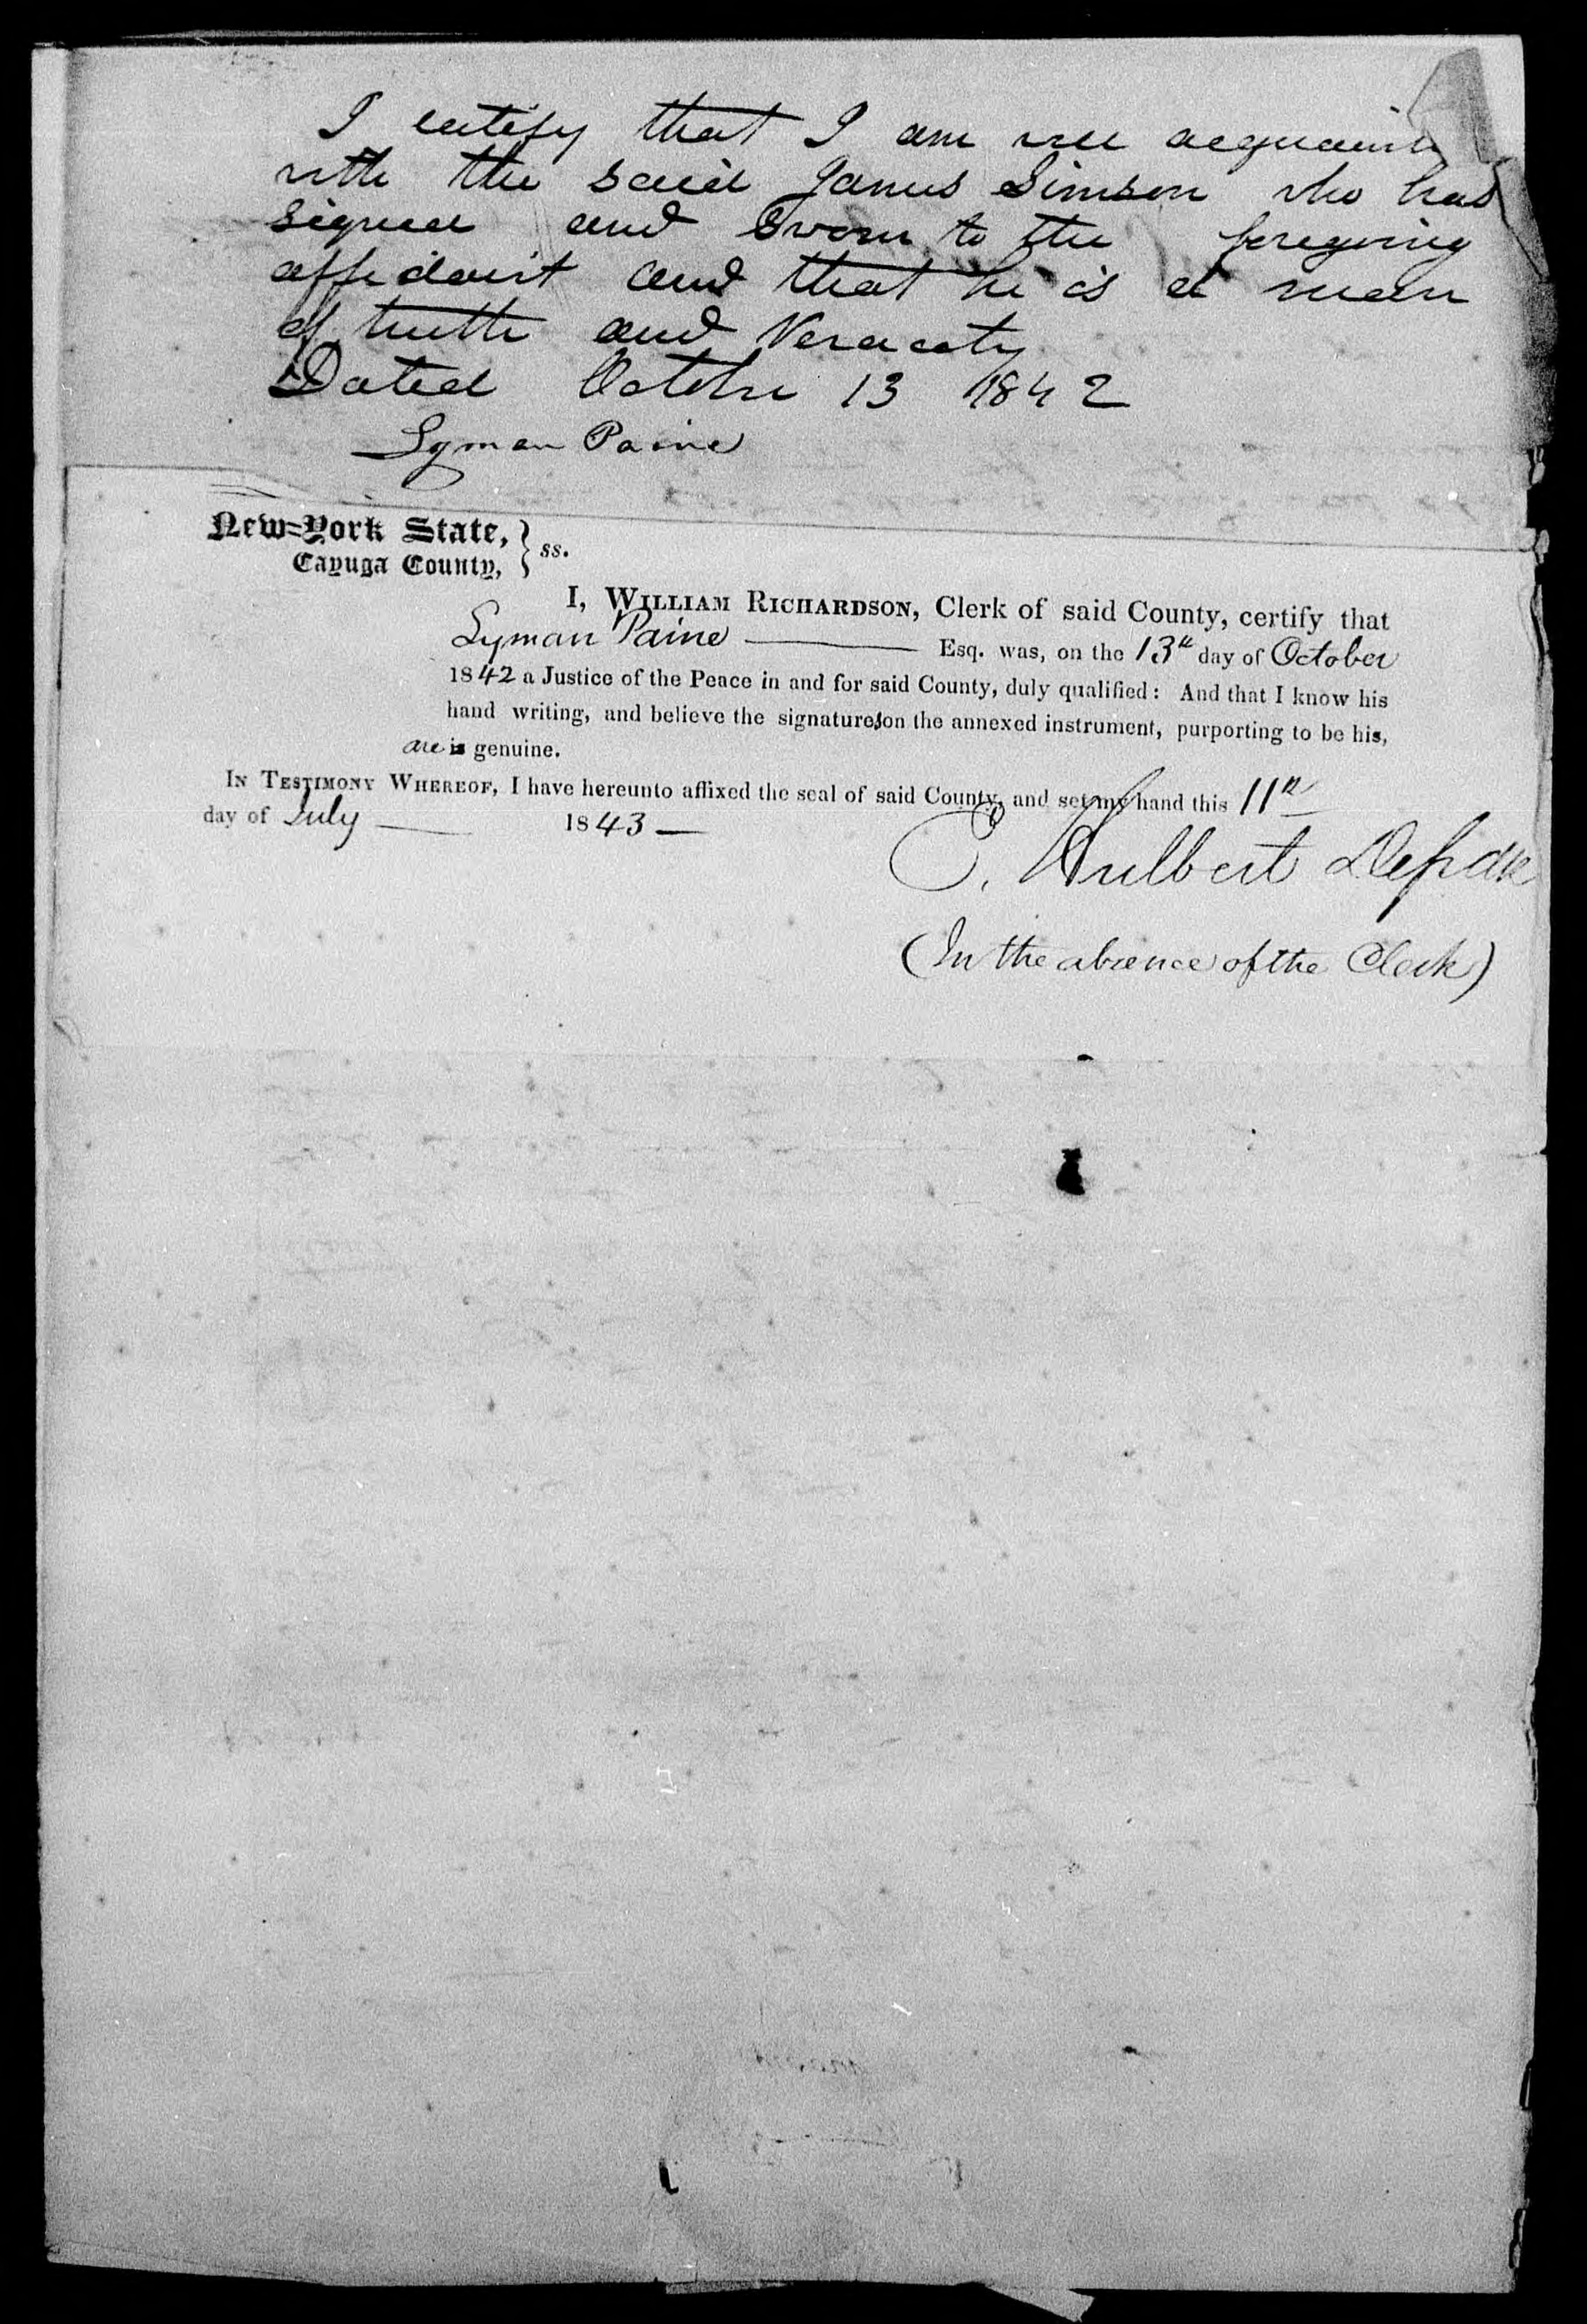I certify that I am well acquainted with the said James Simson who has signed and sworn to the foregoing affidavit and that he is a man of truth and veracity.
Dated October 13 1842
Lyman Paine

New=York State, Cayuga County, ss.
I, William Richardson, Clerk of said County, certify that Lyman Paine Esq. was, on the 13th day of October 1842 a Justice of the Peace in and for said County, duly qualified: And that I know his hand writing, and believe the signatures on the annexed instrument, purporting to be his, are genuine.
In Testimony Whereof, I have hereunto affixed the seal of said County, and set my hand this 11th day of July 1843.
E. Hulbert Dep Clk
(In the absence of the Clerk"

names: James Simson, E Hulbert, Lyman Paine, Lyman Paine, William Richardson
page: 33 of 44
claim: survivor's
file: S. 23639, Jonathan Fowler, New York